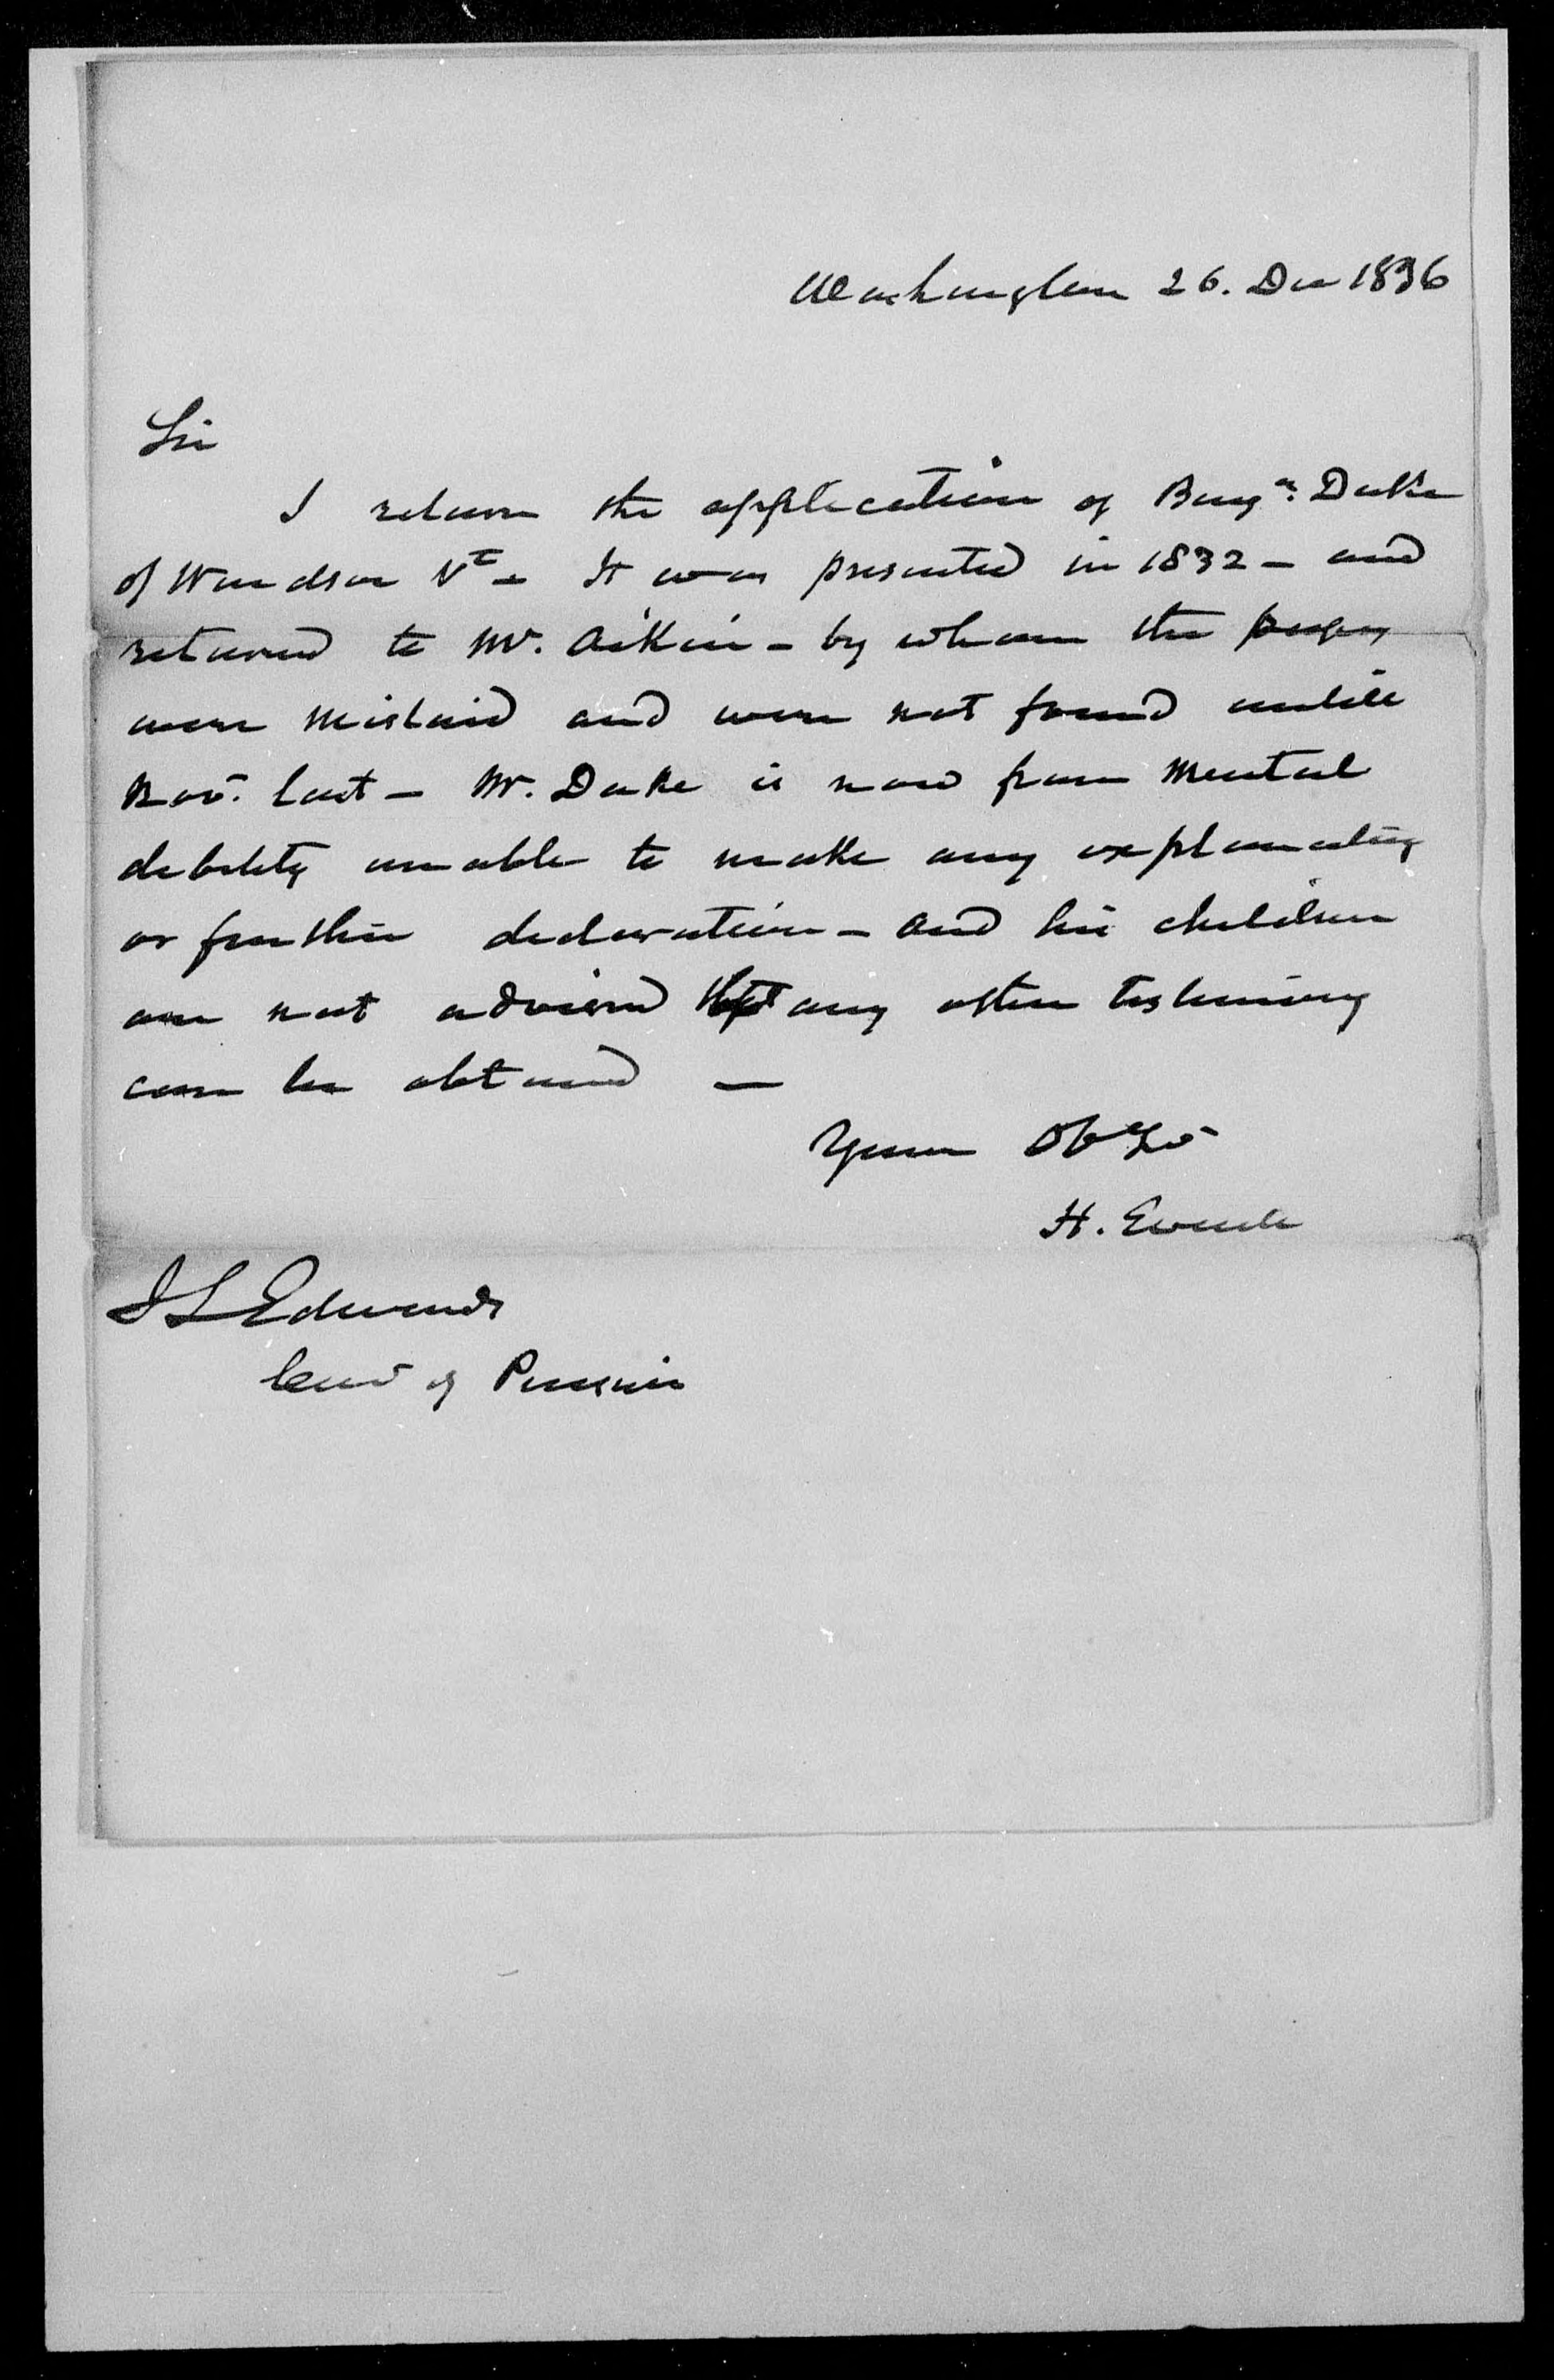Washington 26 Dec 1836
Sir I return the application of Benj Dake of Windsor Vt. It was presented in 1832 and returned to Mr Aikin by whom the pages were mislaid and were not found until Nov last. Mr Dake is now from mental disability unable to make any explanatory or further declaration and his children are not [illegible] that any other testimony can be obtained. Your Ob Ser H. Everett  JL Edwards Comm of Pensions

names: Benjn Dake, J L Edwards, H Everett, Dake, Aikin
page: 18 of 42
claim: rejected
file: R. 2,625, Benjamin Dake, R.I.